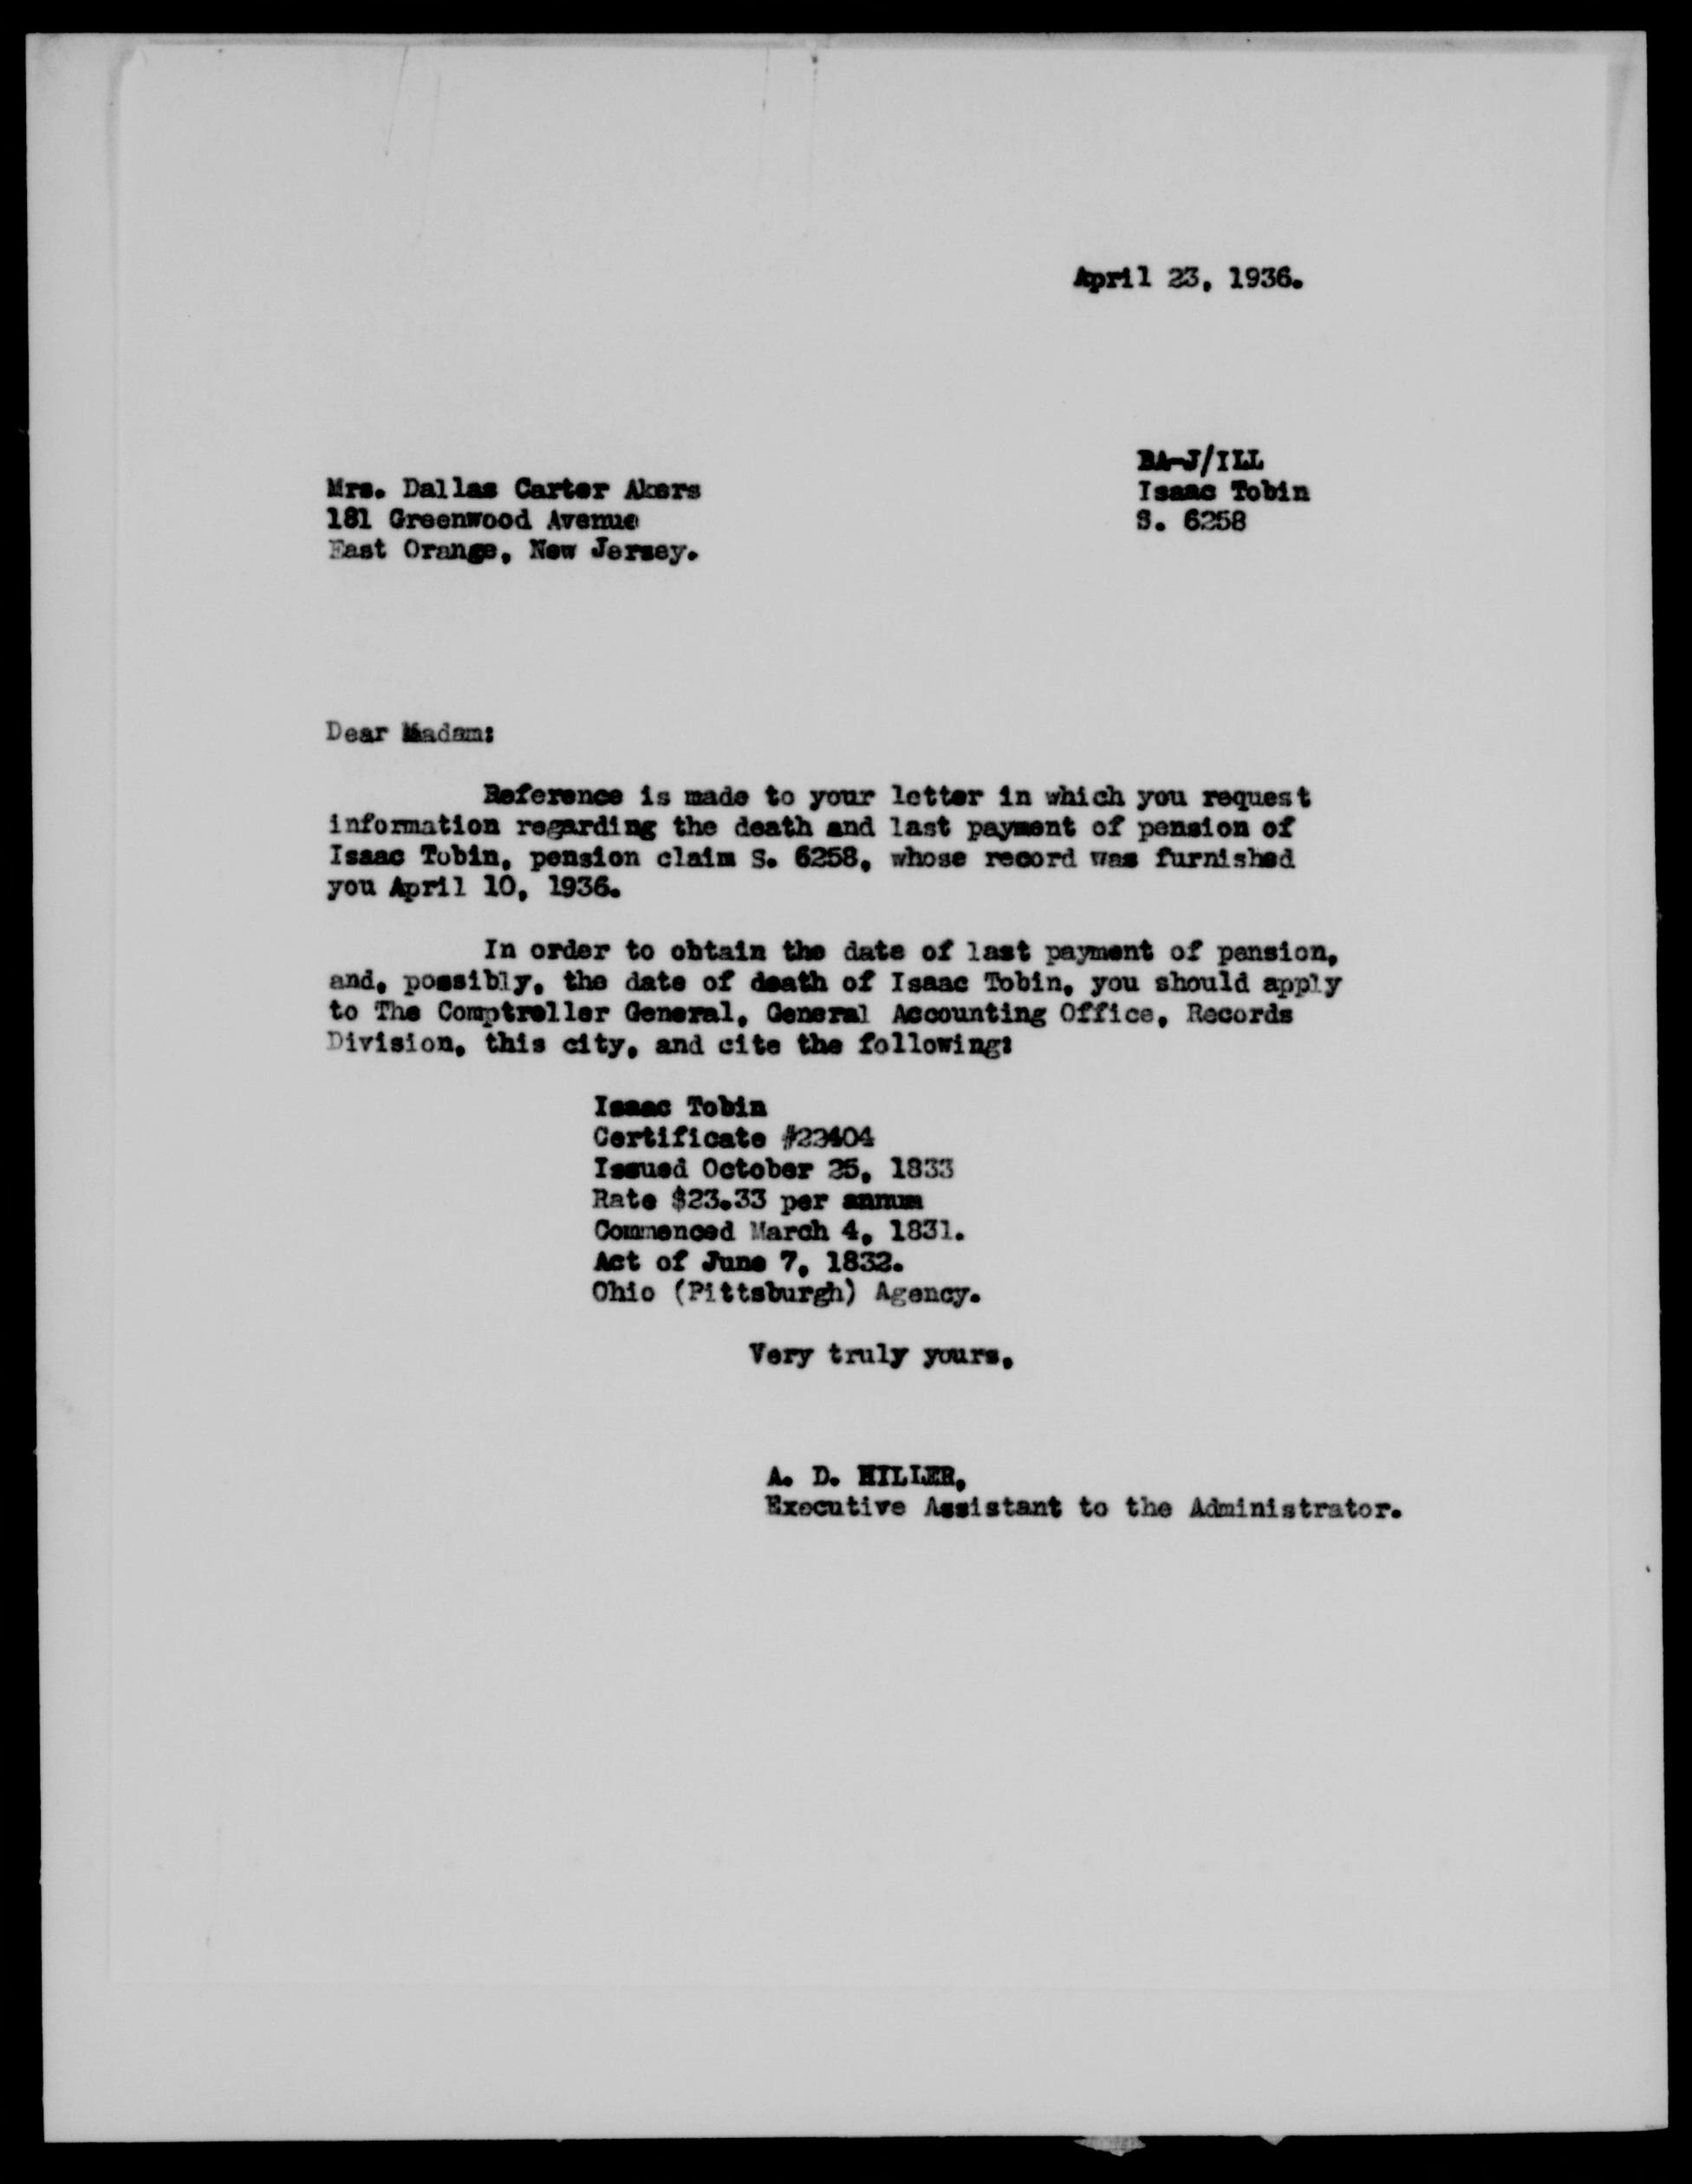BA-J/ILL
Isaac Tobin
S. 6258

Mrs. Dallas Carter Akers
181 Greenwood Avenue
East Orange, New Jersey.

Dear Madam:

Reference is made to your letter in which you request information regarding the death and last payment of pension of Isaac Tobin, pension claim S. 6258. whose record was furnished to you April 10, 1936. 

In order to obtain the date of last payment of pension, and possibly, the date of death of Isaac Tobin, you should apply to the Comptroller General, General Accounting Office, Records Division, this city, and cite the following:

Isaac Tobin
Certificate #22404
Issued October 25, 1833
Rate $23.33 per annum
Commenced March 4, 1831.
Act of June 7, 1832
Ohio (Pittsburgh) Agency.

Very truly yours, 

A. D. Miller,
Executive Assistant to the Administrator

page: 23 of 25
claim: survivor's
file: S. 6258, for Isaac Tobin, New Jersey